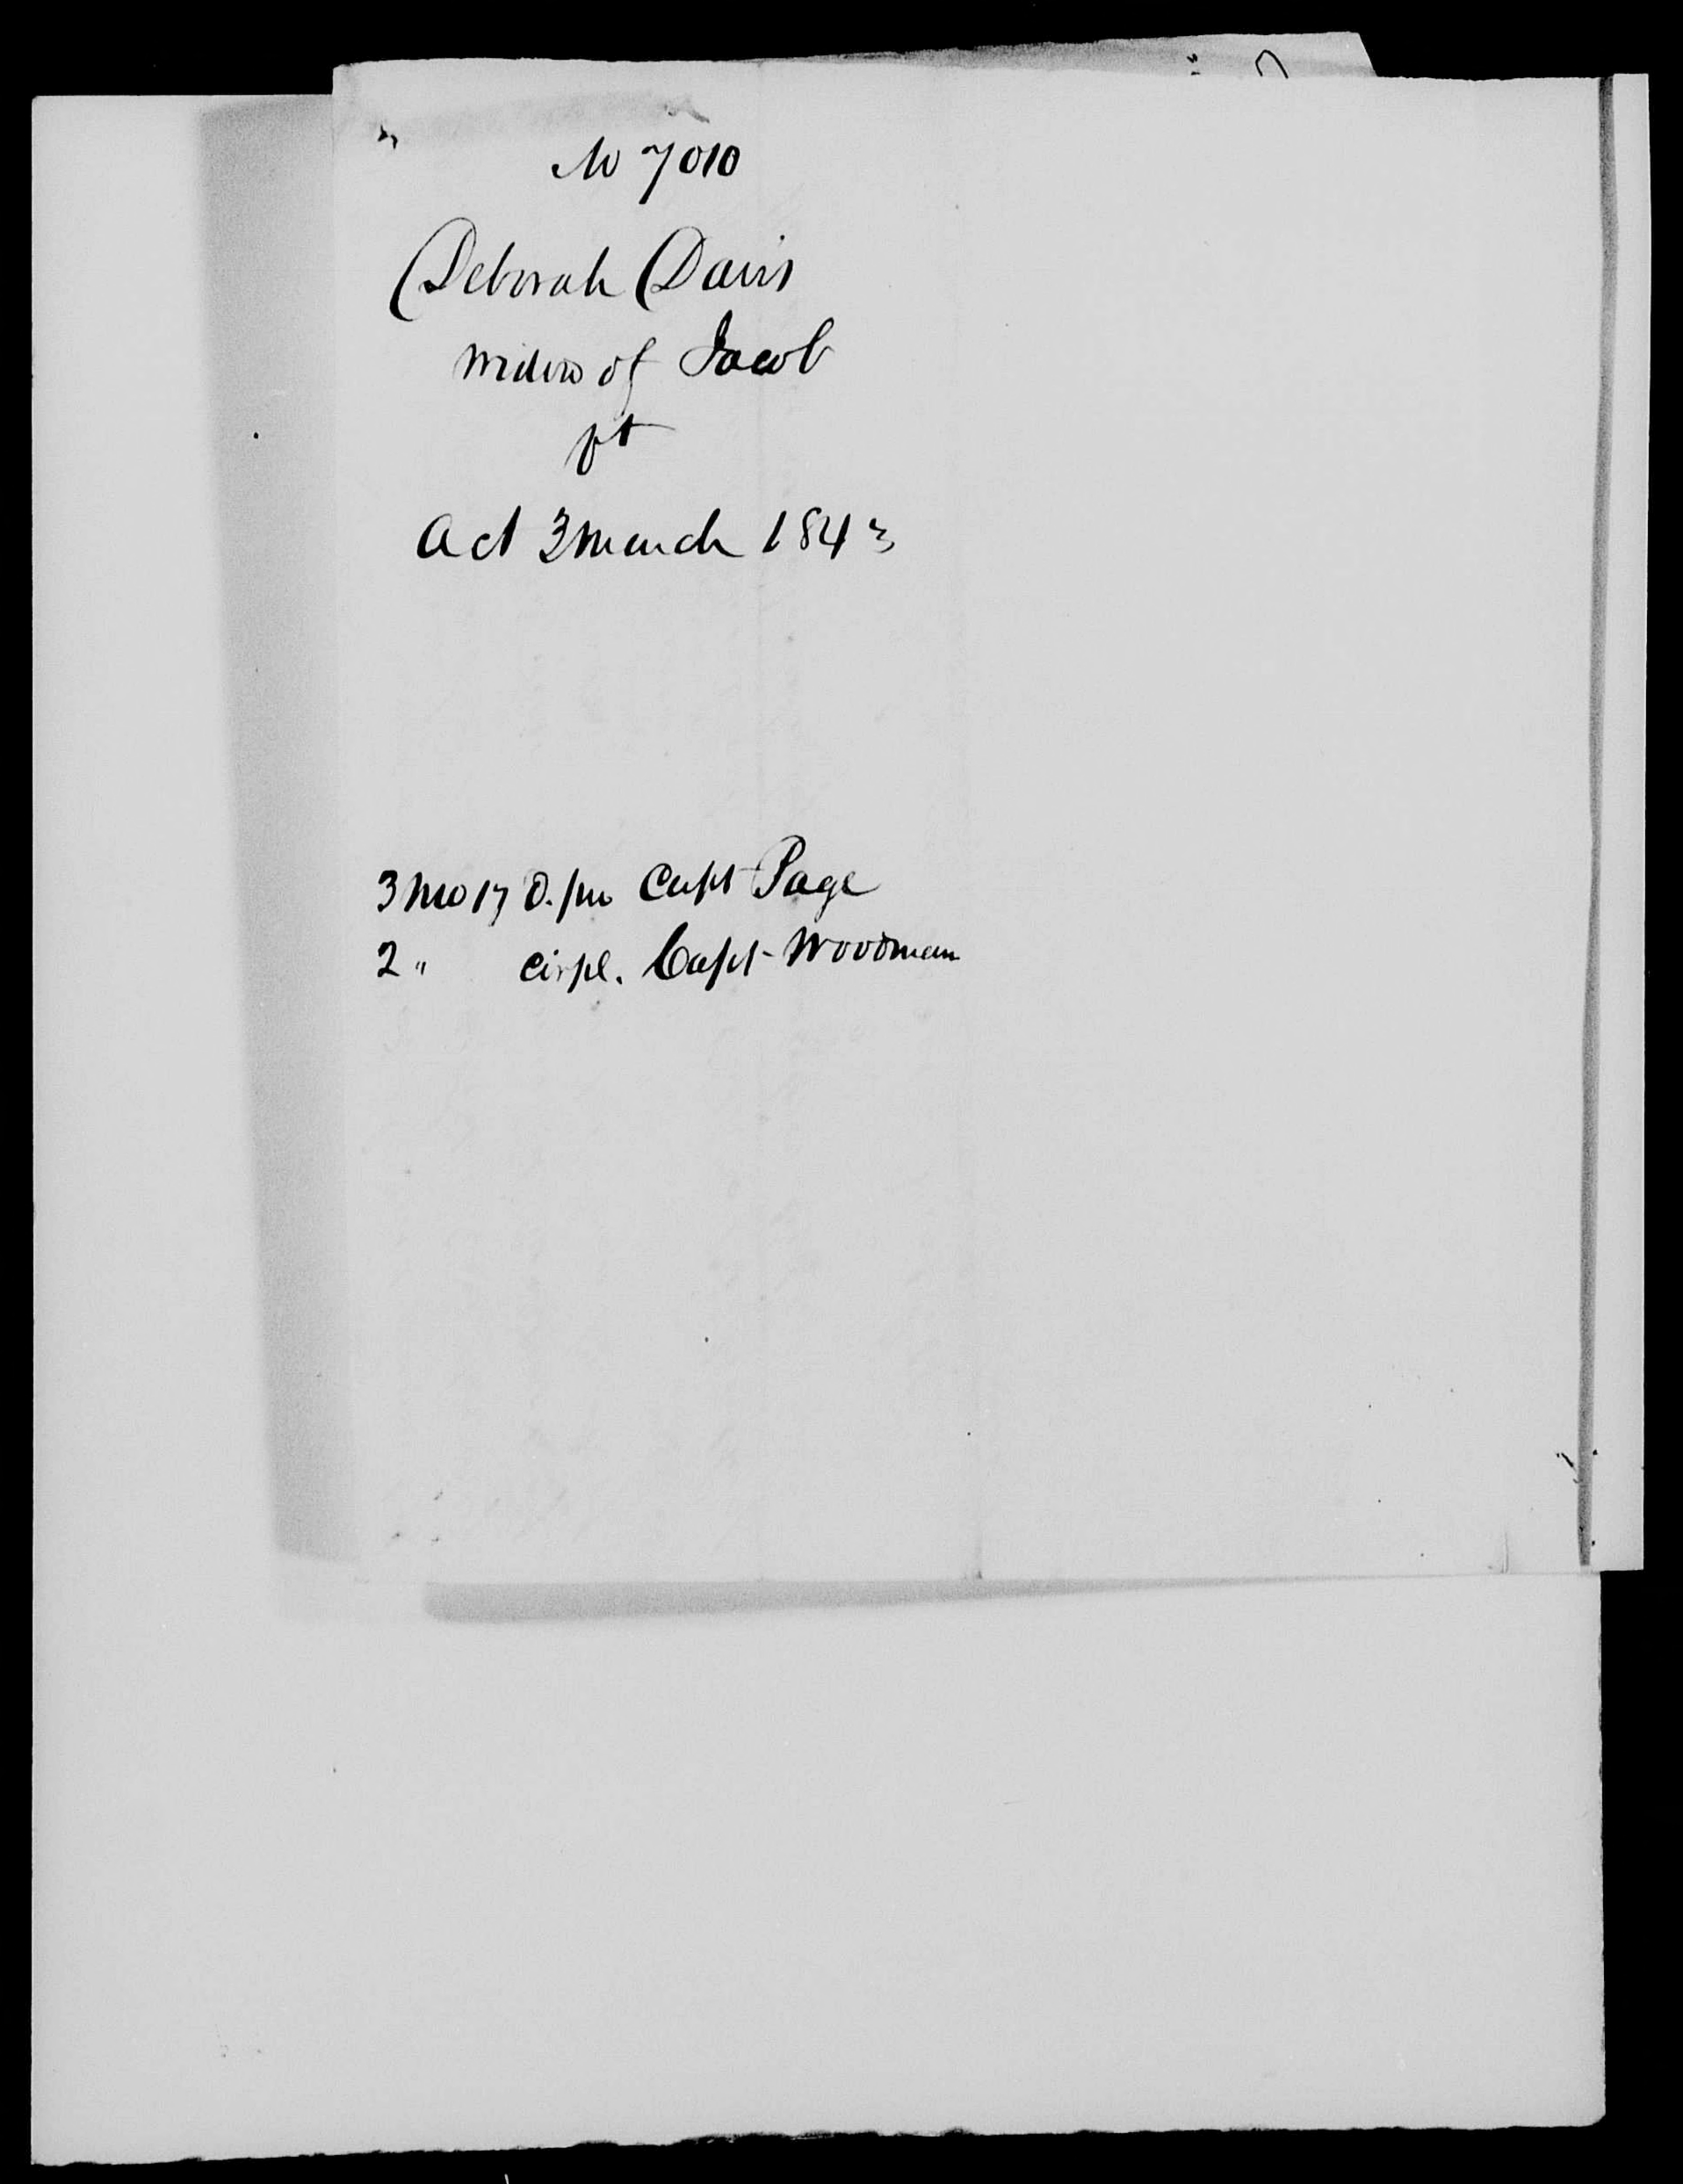No 7010
Deborah Davis
widow of Jacob
Vt
Act 3 March 1843

3 mo 17 D. [days] pri [private] Capt Page
2 mo corpl [corporal] Capt Woodman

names: Jacob Davis, Page, Deborah Davis, Woodman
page: 32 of 47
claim: widow's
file: W. 24043, Jacob Davis, N.H.